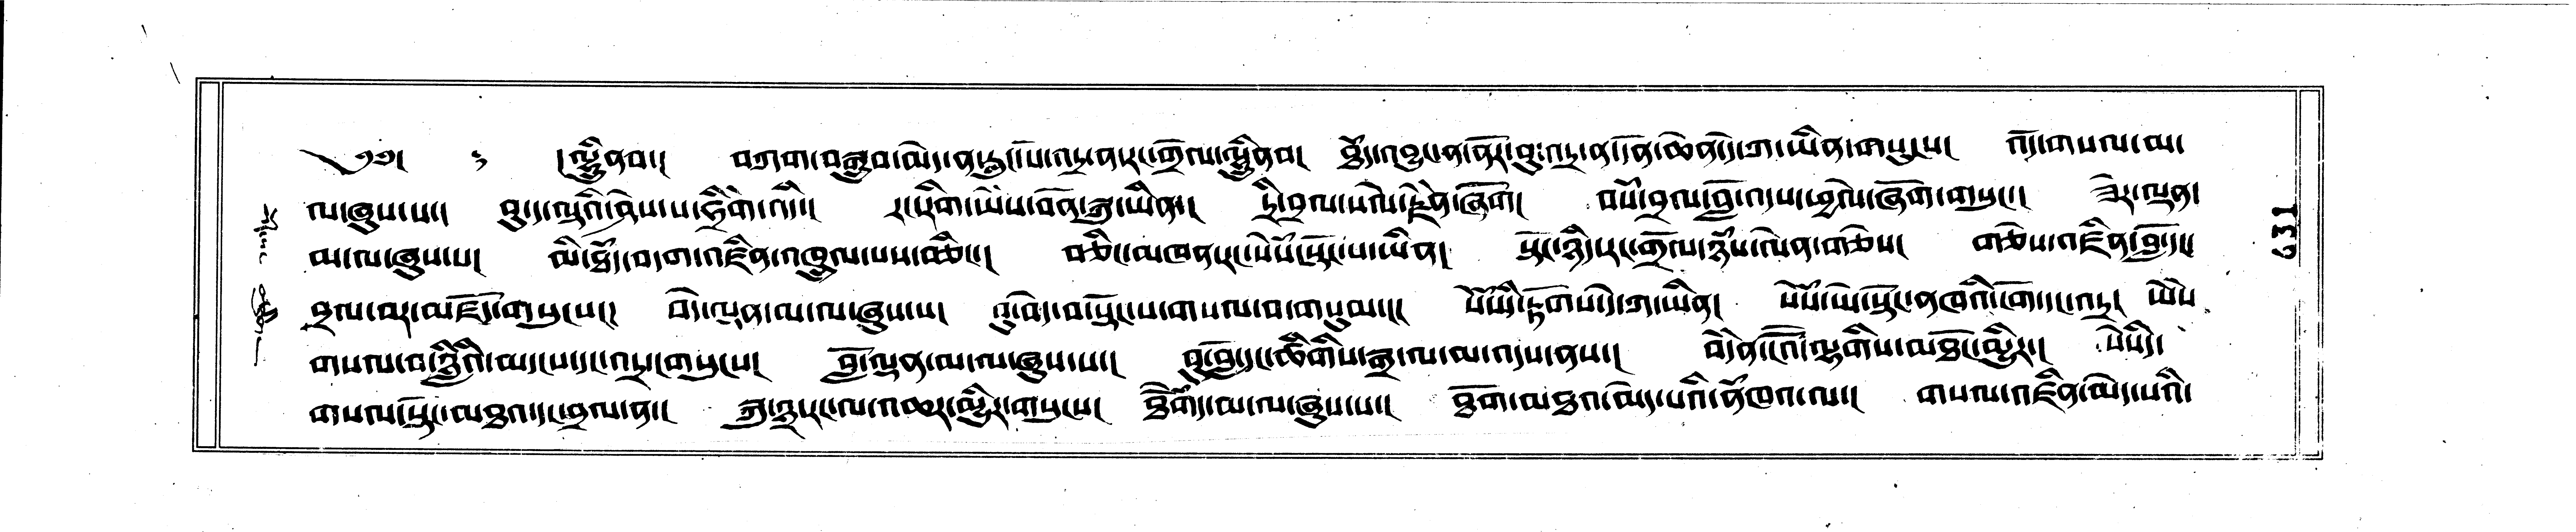ལྷུན་གྱིས་གྲུབ། བཀགས་སྒྲུབ་མེད་པ་རླུང་པོ་འདྲ་ན་རང་གྲོལ་ལྷུན་གྱིས་འགྲུབ། ཐམས་ཅད་འབྱུང་པས་ནོར་བུ་འདྲ་ན་དོན་ཆེན་དེ་ཀ་ཡིན་གསུངས། འོད་འབར་མ་
ལ་ཞུས་པ། བུ་ད་ལྟའི་ཤེས་པ་ཧྲིག་གེ་འདི། རང་རིག་ཡེ་ཤེས་བོན་སྐུ་ཡིན། དྲི་བྲལ་སལེ་རྗེན་ནེ་ཞོགས། བསམ་བྲལ་བློ་འདས་ཕྱ་ལེ་ཞོག་གསུངས། ཟེར་ལྡན་
མ་ལ་ཞུས་པ། མི་ཐམས་ཅད་བདག་འཛིན་འཁྲུལ་པས་བཅིང་། བཅིང་མཁན་རང་སེམས་སྟོང་པ་ཡིན། སྟོང་ཉིད་རང་གྲོལ་གྱི་ཉམས་ལེན་གཅེས། གཅེས་འཛིན་བློ་དང་
བྲལ་བར་མཛོད་གསུངས། བདེ་ལྡན་མ་ལ་ཞུས་པ། བུ་བདེ་བ་སྟོང་པ་གསལ་བ་གསུམ། སེམས་ཉིད་རྟོགས་ན་དེ་ཀ་ཡིན། སེམས་ཉིད་སྟོང་པ་ནམ་མཁའི་ངོག་དང་འདྲ། ཡེ་ཤེས་
གསལ་བ་ཉི་ཟླའི་མདངས་དང་འདྲ་གསུངས། བློ་ལྡན་མ་ལ་ཞུས་པ། བུ་བློ་དང་ཚིག་གིས་སྒྲ་ལས་མ་འདས་ན། བདེ་ཆེན་ངོའོ་ལྷག་གིས་མཐོང་མི་འགྱུར། སེམས་ཉིད་
གསལ་སྟོང་མཐའ་དང་མ་བྲལ་པའི། སྐུ་གསུམ་ངོའོ་རང་ལ་འཆར་མི་འགྱུར་གསུངས། ཐོགས་མེད་མ་ལ་ཞུས་པས། ཐོག་མཐའ་མེད་པའི་ནམ་མཁའ་ལ། གསལ་འཛིན་བྲལ་བའི་༼མེད་པའི༽